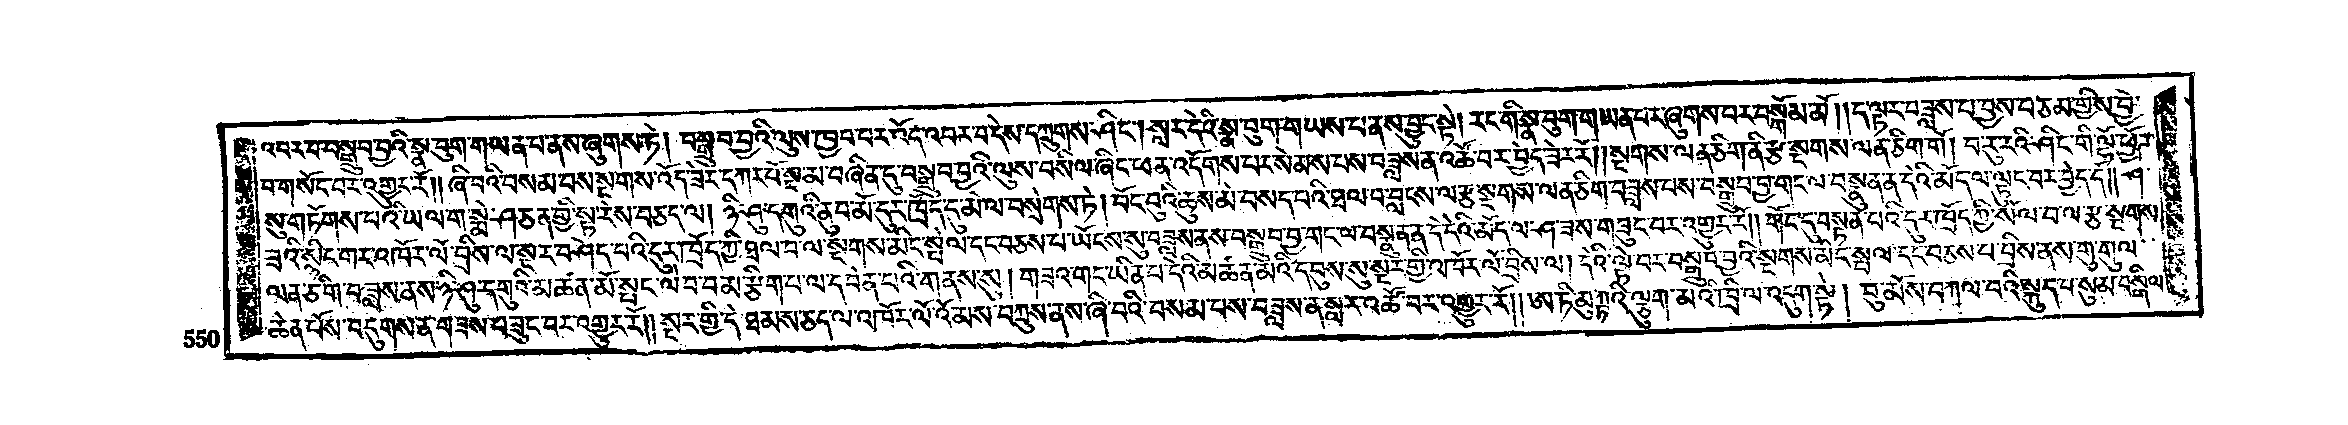འབར་བ་བསྒྲུབ་བྱའི་སྣ་བུག་གཡོན་པ་ནས་ཞུགས་ཏེ། བསྒྲུབ་བྱའི་ལུས་ཁྱབ་པར་འོད་འབར་བ་དེས་དཀྲུགས་ཤིང་། སླར་དེའི་སྣ་བུག་གཡས་པ་ནས་བྱུང་སྟེ། རང་གི་སྣ་བུག་གཡོན་པར་ཞུགས་པར་བསྒོམ་མོ། །ད་ལྟར་བཟླས་པ་བྱས་པ་ཅམ་གྱིས་བྱེ་
བ་གསོད་པར་འགྱུར་རོ། །ཞི་བའི་བསམ་པས་སྔགས་འོད་ཟེར་དཀར་པོ་སྔ་མ་བཞིན་དུ་བསྒྲུབ་བྱའི་ལུས་བསིལ་ཞིང་ཕན་འདོགས་པར་སེམས་པས་བཟླས་ན་འཚོ་བར་བྱེད་ཟེར་རོ། །སྔགས་ལན་ཅིག་ནི་རྩ་སྔགས་ལན་ཅིག་གོ །བ་རུ་རའི་ཤིང་གི་ལྷོ་ཕྱོགས་
སུ་གཏོགས་པའི་ཡལ་ག་སྨེ་ཤ་ཅན་གྱི་སྟ་རེས་བཅད་ལ། ཉི་ཤུ་དགུའི་ནུབ་མོ་དུར་ཁྲོད་དུ་མེ་ལ་བསྲེགས་ཏེ། བོང་བུའི་ཆུས་མེ་བསད་པའི་ཐལ་བ་བླངས་ལ་རྩ་སྔགས་ལན་ཅིག་བཟླས་པས་བསྒྲུབ་བྱ་གང་ལ་བསྣུན་ན་དེའི་མོད་ལ་ལྟུང་བར་བྱེད་དོ། །ཤ་
ཟའི་སྙིང་གར་འཁོར་ལོ་བྲིས་ལ་སྔར་བཤད་པའི་དུར་ཁྲོད་ཀྱི་ཐལ་བ་ལ་སྔགས་མིང་སྤེལ་དང་བཅས་པ་ཡོངས་སུ་བཟླས་ནས་བསྒྲུབ་བྱ་གང་ལ་བསྣུན་ན་དེ་དེའི་མོད་ལ་ཤ་ཟས་གཟུང་བར་འགྱུར་རོ། །གོང་དུ་བསྟན་པའི་དུར་ཁྲོད་ཀྱི་སོལ་བ་ལ་རྩ་སྔགས་
ལན་ཅིག་བཟླས་ནས་ཉི་ཤུ་དགུའི་མཚན་མོ་སྤང་ལེབ་བམ་རྩིག་པ་ལ་དབེན་པའི་གནས་སུ། གཟའ་གང་ཡིན་པ་དེའི་མཚན་མའི་དབུས་སུ་སྔར་གྱི་འཁོར་ལོ་བྲིས་ལ། དེའི་ལྟེ་བར་བསྒྲུབ་བྱའི་སྔགས་མིང་སྤེལ་དང་བཅས་པ་བྲིས་ནས་གུ་གུལ་
ཆེན་པོས་བདུགས་ན་གཟས་བཟུང་བར་འགྱུར་རོ། །སྔར་གྱི་དེ་ཐམས་ཅད་ལ་འཁོར་ལོ་འོ་མས་བཀྲུས་ནས་ཞི་བའི་བསམ་པས་བཟླས་ན་སླར་འཚོ་བར་འགྱུར་རོ། །ཨ་ཏི་མུཀྟའི་ལྕུག་མའི་ཁྲི་ལ་འདུག་སྟེ། བུ་མོས་བཀལ་བའི་སྐུད་པ་སུམ་བསྒྲིལ་